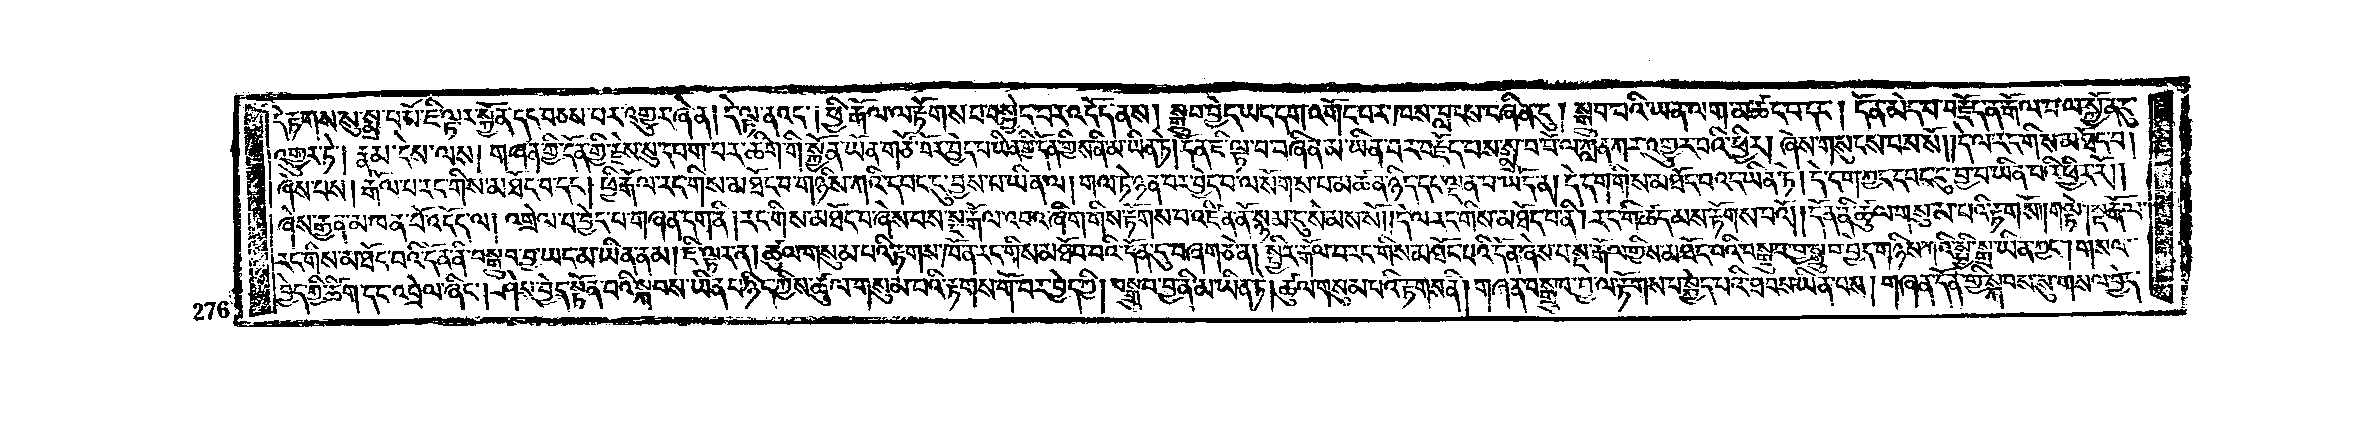དེ་རྟགས་སུ་སྨྲ་བ་པོ་ཇི་ལྟར་སྐྱོན་དང་བཅས་པར་འགྱུར་ཞེ་ན། དེ་ལྟ་ནའང་། ཕྱི་རྒོལ་ལ་རྟོགས་པ་བསྐྱེད་པར་འདོད་ནས། སྒྲུབ་བྱེད་ཡང་དག་འགོད་པར་ཁས་བླངས་བཞིན་དུ། སྒྲུབ་པའི་ཡན་ལག་མ་ཚང་བ་དང་། དོན་མེད་པ་བརྗོད་ན་རྒོལ་བ་ལ་སྐྱོན་དུ་
འགྱུར་ཏེ། རྣམ་ངེས་ལས། གཞན་གྱི་དོན་གྱི་རྗེས་སུ་དཔག་པར་ཚིག་གི་སྐྱོན་ཡོན་གཙོ་བོར་བྱེད་པ་ཡིན་གྱི་དོན་གྱིས་ནི་མ་ཡིན་ཏེ། དོན་ཇི་ལྟ་བ་བཞིན་མ་ཡིན་པར་བརྗོད་པས་སྨྲ་བ་པོ་ལ་ཀླན་ཀར་འགྱུར་པའི་ཕྱིར། ཞེས་གསུངས་པས་སོ། །དེ་ལ་རང་གིས་མཐོང་བ།
ཞེས་པས། རྒོལ་པ་རང་གིས་མཐོང་བ་དང་། ཕྱི་རྒོལ་རང་གིས་མཐོང་བ་གཉིས་ཀའི་དབང་དུ་བྱས་པ་ཡིན་ལ། གལ་ཏེ་ཉན་བར་བྱེད་པ་ལ་སོགས་པ་མཚན་ཉིད་དང་ལྡན་པ་ཡོད་ན། དེ་དག་གིས་མཐོང་བའང་ཡིན་ཏེ། དེ་དག་ཀྱང་དབང་དུ་བྱ་བ་ཡིན་པའི་ཕྱིར་རོ། །
ཞེས་རྒྱན་མཁན་པོ་འདོད་ལ། འགྲེལ་པ་བྱེད་པ་གཞན་དག་ནི། རང་གིས་མཐོང་བ་ཞེས་པས་སྔ་རྒོལ་འབའ་ཞིག་གིས་རྟོགས་པ་འཛིན་ནོ་སྙམ་དུ་སེམས་སོ། །དེ་ལ་རང་གིས་མཐོང་བ་ནི། རང་གི་ཚད་མས་རྟོགས་པའོ། །དོན་ནི་ཚུལ་གསུམ་པའི་རྟགས་སོ། གལ་ཏེ། སྔ་རྒོལ་
རང་གིས་མཐོང་བའི་དོན་ནི་བསྒྲུབ་བྱ་ཡང་མ་ཡིན་ནམ། ཇི་ལྟར་ན། ཚུལ་གསུམ་པའི་རྟགས་ཁོ་ན་རང་གིས་མཐོང་བའི་དོན་དུ་བཞག་ཅེ་ན། སྤྱིར་རྒོལ་བ་རང་གིས་མཐོང་བའི་དོན་ཞེས་པ་སྔ་རྒོལ་གྱིས་མཐོང་བའི་བསྒྲུབ་བྱ་སྒྲུབ་བྱེད་གཉིས་ཀའི་སྤྱི་སྒྲ་ཡིན་ཀྱང་། གསལ་
བྱེད་ཀྱི་ཚིག་དང་འབྲེལ་ཞིང་། ཤེས་བྱེད་སྟོན་པའི་སྐབས་ཡིན་པ་ཉིད་ཀྱིས་ཚུལ་གསུམ་པའི་རྟགས་གོ་བར་བྱེད་ཀྱི། བསྒྲུབ་བྱ་ནི་མ་ཡིན་ཏེ། ཚུལ་གསུམ་པའི་རྟགས་ནི། གཞན་བསྒྲུབ་བྱ་ལ་རྟོགས་པ་སྐྱེད་པའི་ཐབས་ཡིན་པས། གཞན་དོན་གྱི་སྐབས་སུ་གསལ་བྱེད་